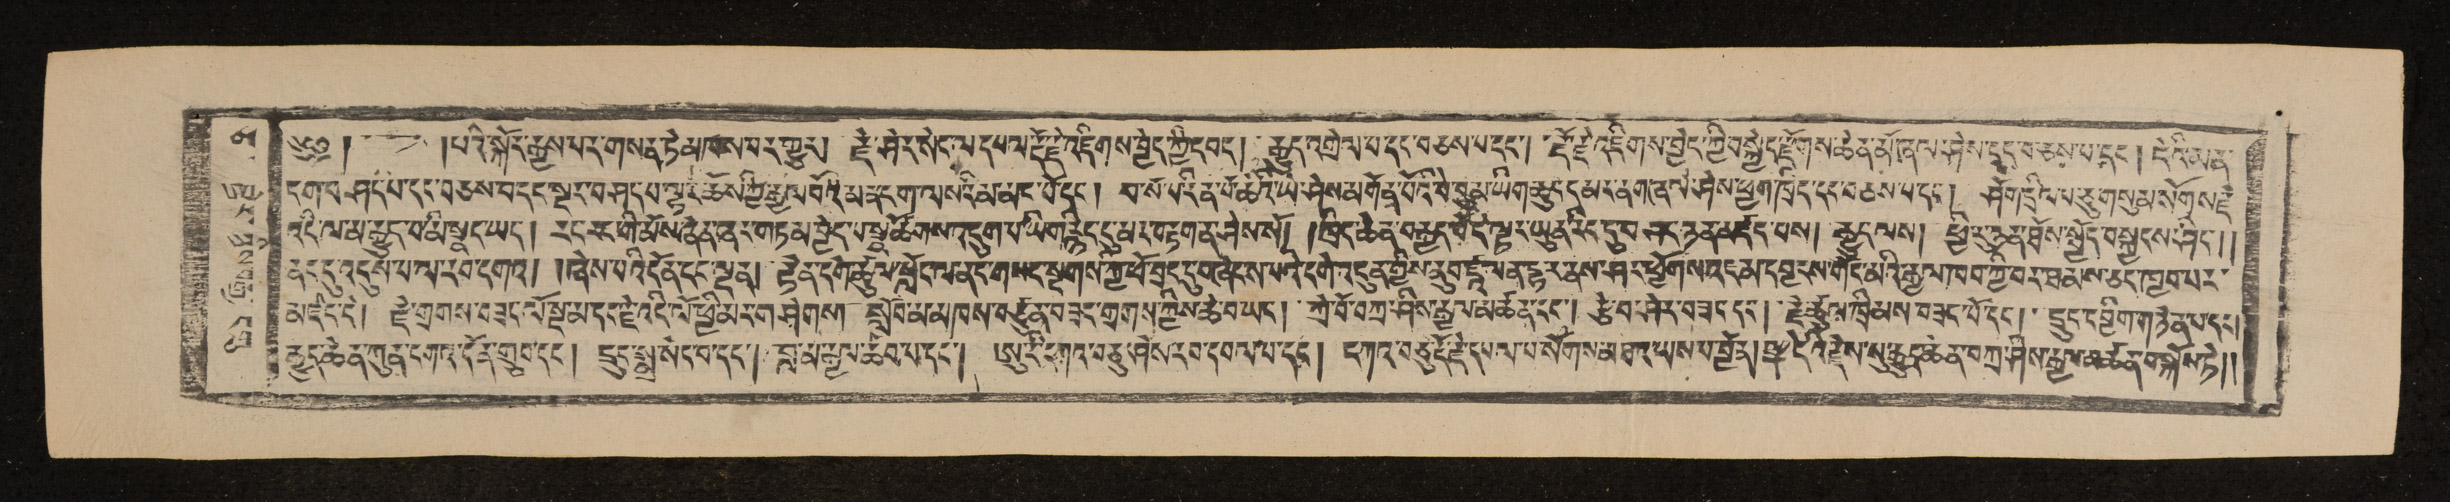༄༅། །པའི་སྐོར་རྒྱས་པར་གསན་ཏེ་མཁས་པར་གྱུར། རྗེ་ཤེར་སེང་ལ་དཔལ་རྡོ་རྗེ་འཇིགས་བྱེད་ཀྱི་དབང་། རྒྱུད་འགྲེལ་པ་དང་བཅས་པ་དང་། རྡོ་རྗེ་འཇིགས་བྱེད་ཀྱི་བསྐྱེད་རྫོགས་ཆེན་མོ་ཞལ་ཤེས་དང་བཅས་པ་དང་། དེའི་མན་
ངག་བཤད་པ་དང་བཅས་པ་དང་སྔར་བཤད་པ་ལྟར་ཆོས་ཀྱི་རྒྱལ་པོའི་མན་ངག་ལས་རིམ་མང་པོ་དང་། བསོ་པ་རིན་པོ་ཆེའི་ཡེ་ཤེས་མགོན་པོའི་བེ་བུམ་ཡིག་ཆུང་དམར་ནག་ཞལ་ཤེས་ཕྱག་ཁྲིད་དང་བཅས་པ་དང་། ཤོག་དྲིལ་བཅུ་གསུམ་སོགས་རྗེ་
འདི་ལམ་རྒྱུད་པ་མི་སྣང་ཡང་། རང་རང་གི་མོས་ཞེན་ཞར་གཏམ་བྱེད་པ་སྣ་ཚོགས་འདུག་པ་ཡིག་རྙིང་དུ་མར་བརྟག་ན་ཤེས་སོ། །ཁྲིད་ཆེན་བརྒྱད་པོ་དེ་ལྟར་ཡུན་རིང་དུ་བཤད་ཉན་མཛད་པས། རྒྱུད་ལས། ཕྱི་རུ་ཉན་ཐོས་སྤྱོད་བསྐྱངས་ཤིང་།
ནང་དུ་འདུས་པ་ལ་རབ་དགའ། །ཞེས་པའི་དོན་དང་ལྡན། རྟེན་དགེ་ཚུལ་སློང་ལ་ནང་གསང་སྔགས་ཀྱི་ཕོ་བྲང་དུ་བཞེངས་པའི་དགེ་འདུན་གྱིས་ནུབ་ཛཱ་ལན་དྷ་ར་ནས་ཤར་ཕྱོགས་འཇམ་དབྱངས་གོང་མའི་རྒྱལ་ཁབ་ཀྱི་བར་ཐམས་ཅད་ཁྱབ་པར་
མཛད་དེ། རྗེ་གྲགས་བཟང་པོ་སྔ་མ་དང་རྗེ་འདི་ལོ་ཕྱི་མར་གཤེགས། སློབ་མ་མཁས་བཙུན་བཟང་གྲགས་ཀྱིས་ཆེ་བ་ཡང་། ཀྲེ་བོ་བཀྲ་ཤིས་རྒྱལ་མཚན་དང་། རྩེ་བ་ཤེར་བཟང་དང་། རྗེ་ཚུལ་ཁྲིམས་བཟང་པོ་དང་། དྲུང་དབྱིག་གཉེན་པ་དང་།
རྒྱུད་ཆེན་ཀུན་དགའ་དོན་གྲུབ་དང་། དྲུང་སྨྲ་སེང་བ་དང་། བླ་མ་རྒྱལ་ཚབ་པ་དང་། ཨུ་རི་དཀའ་བཅུ་ཤེས་རབ་དཔལ་བ་དང་། དཀའ་བཅུ་རྡོ་རྗེ་དཔལ་པ་སོགས་མཐའ་ཡས་པ་བྱོན། ༈ དེའི་རྗེས་སུ་རྒྱུད་ཆེན་བཀྲ་ཤིས་རྒྱལ་མཚན་བསྐོས་ཏེ།